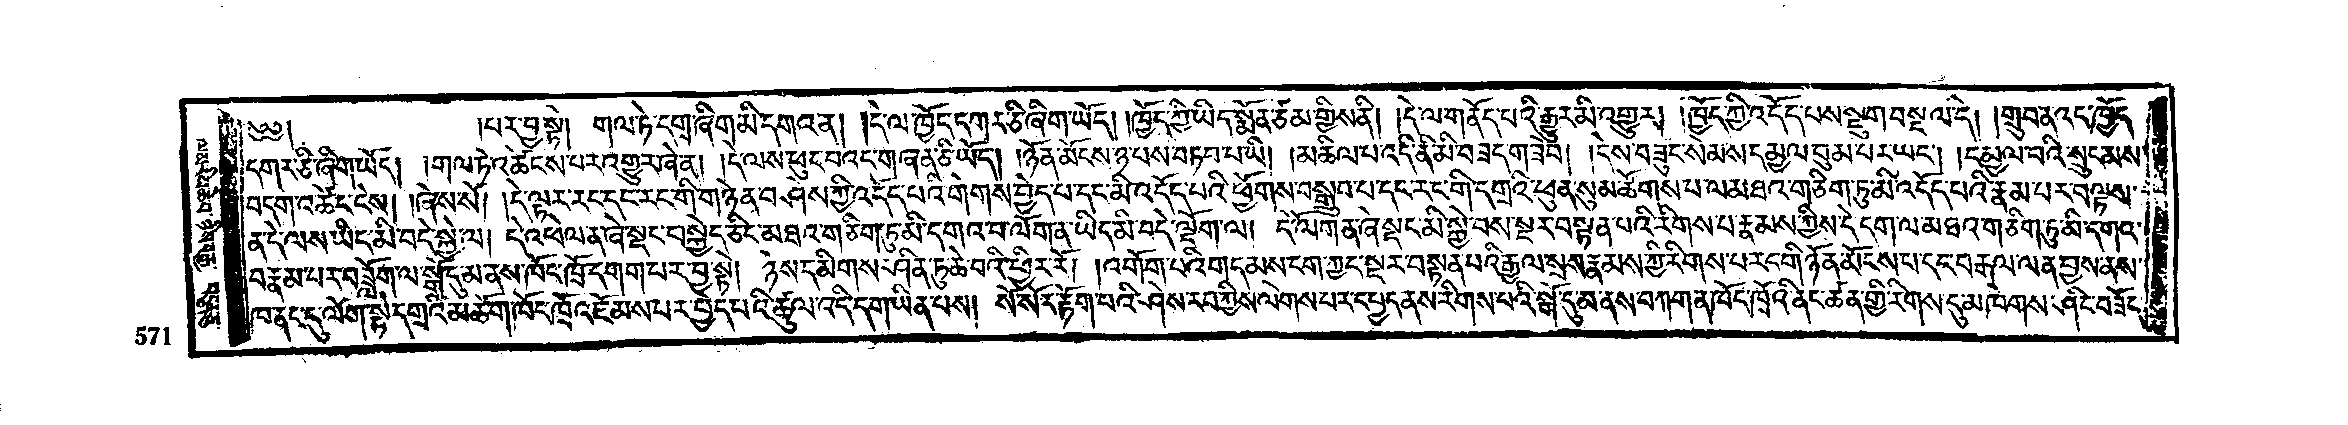༄༅། །པར་བྱ་སྟེ། གལ་ཏེ་དགྲ་ཞིག་མི་དགའ་ན། །དེ་ལ་ཁྱོད་དགར་ཅི་ཞིག་ཡོད། །ཁྱོད་ཀྱི་ཡིད་སྨོན་ཙམ་གྱིས་ནི། །དེ་ལ་གནོད་པའི་རྒྱུར་མི་འགྱུར། །ཁྱོད་ཀྱི་འདོད་པས་སྡུག་བསྔལ་དེ། །གྲུབ་ནའང་ཁྱོད་
དགར་ཅི་ཞིག་ཡོད། །གལ་ཏེ་འཚེངས་པར་འགྱུར་ཞེ་ན། །དེ་ལས་ཕུང་བའང་གཞན་ཅི་ཡོད། །ཉོན་མོངས་ཉ་པས་བཏབ་པ་ཡི། །མཆིལ་བ་འདི་ནི་མི་བཟད་གཟེབ། །དེས་བཟུང་སེམས་དམྱལ་བུམ་པར་ཡང་། །དམྱལ་བའི་སྲུང་མས་
བདག་འཚེད་ངེས། །ཞེས་སོ། །དེ་ལྟར་རང་དང་རང་གི་གཉེན་བཤེས་ཀྱི་འདོད་པའི་གེགས་བྱེད་པ་དང་མི་འདོད་པའི་ཕྱོགས་བསྒྲུབ་པ་དང་རང་གི་དགྲའི་ཕུན་སུམ་ཚོགས་པ་ལ་མཐའ་གཅིག་ཏུ་མི་འདོད་པའི་རྣམ་པར་བལྟས་
ན་དེ་ལས་ཡིད་མི་བདེ་སྐྱེ་ལ། དེ་འཕེལ་ན་ཞེ་སྡང་བསྐྱེད་ཅིང་མཐའ་གཅིག་ཏུ་མི་དགའ་བ་ལོག་ན་ཡིད་མི་བདེ་ལྡོག་ལ། དེ་ལོག་ན་ཞེ་སྡང་མི་སྐྱེ་བས་སྔར་བསྟན་པའི་རིགས་པ་རྣམས་ཀྱིས་དེ་དག་ལ་མཐའ་གཅིག་ཏུ་མི་དགའ་
བརྣམ་པར་བཟློག་ལ་སྒོ་དུ་མ་ནས་ཁོང་ཁྲོ་དགག་པར་བྱ་སྟེ། ཉེས་དམིགས་ཤིན་ཏུ་ཆེ་བའི་ཕྱིར་རོ། །འགོག་པའི་གདམས་ངག་ཀྱང་སྔར་བསྟན་པའི་རྒྱལ་སྲས་རྣམས་ཀྱི་རིགས་པ་རང་གི་ཉོན་མོངས་པ་དང་བརྒལ་ལན་བྱས་ནས་
ཁ་ནང་དུ་ལོག་སྟེ་དགྲའི་མཆོག་ཁོང་ཁྲོ་འཇོམས་པར་བྱེད་པའི་ཚུལ་འདི་དག་ཡིན་པས། སོ་སོར་རྟོག་པའི་ཤེས་རབ་ཀྱིས་ལེགས་པར་དཔྱད་ནས་རིགས་པའི་སྒོ་དུ་མ་ནས་བཀག་ན་ཁོང་ཁྲོའི་ནང་ཚན་གྱི་རིགས་དུ་མ་ཁེགས་ཤིང་བཟོད་